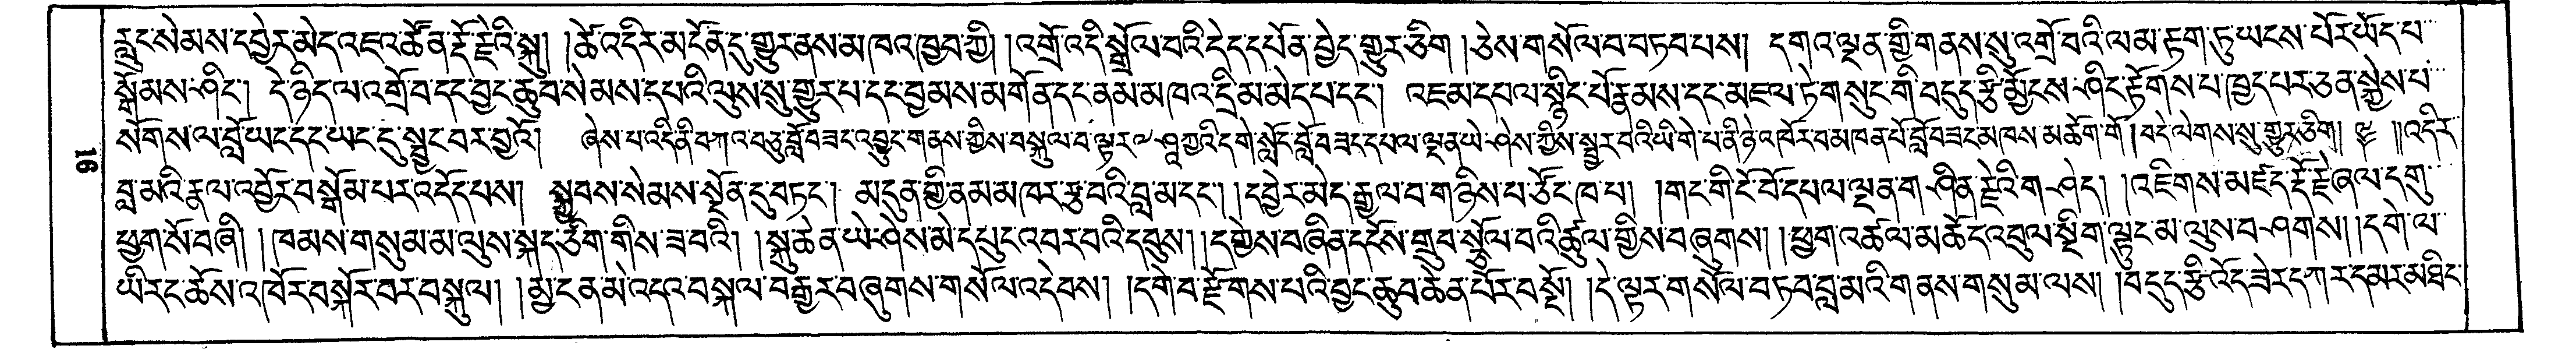རླུང་སེམས་དབྱེར་མེད་འཇའ་ཚོན་རྡོ་རྗེའི་སྐུ། །ཚེ་འདིར་མངོན་དུ་གྱུར་ནས་མཁའ་ཁྱབ་ཀྱི། །འགྲོ་འདི་སྒྲོལ་བའི་དེད་དཔོན་བྱེད་གྱུར་ཅིག །ཅེས་གསོལ་བ་བཏབ་པས། དགའ་ལྡན་གྱི་གནས་སུ་འགྲོ་བའི་ལམ་རྟག་ཏུ་ཡངས་པོར་ཡོད་པ་
སྒོམས་ཤིང་། དེ་ཉིད་ལ་འགྲོ་བ་དང་བྱང་ཆུབ་སེམས་དཔའི་ལུས་སུ་གྱུར་པ་དང་བྱམས་མགོན་དང་ནམ་མཁའ་དྲི་མ་མེད་པ་དང་། འཇམ་དཔལ་སྙིང་པོ་རྣམས་དང་མཇལ་ཏེ་གསུང་གི་བདུད་རྩི་མྱོངས་ཤིང་རྟོགས་པ་ཁྱད་པར་ཅན་སྐྱེས་པ་
སོགས་ལ་བློ་ཡང་དང་ཡང་དུ་སྦྱང་བར་བྱའོ། ཞེས་པ་འདི་ནི་བཀའ་བཅུ་བློ་བཟང་འབྱུང་གནས་ཀྱིས་བསྐུལ་བ་ལྟར ༧ཤཱཀྱའི་དགེ་སློང་བློ་བཟང་དཔལ་ལྡན་ཡེ་ཤེས་ཀྱིས་སྦྱར་བའི་ཡི་གེ་པ་ནི་ཉེ་འཁོར་བ་མཁན་པོ་བློ་བཟང་མཁས་མཆོག་གོ །བདེ་ལེགས་སུ་གྱུར་ཅིག །  ༈ །།འདིར་
བླ་མའི་རྣལ་འབྱོར་བསྒོམ་པར་འདོད་པས། སྐྱབས་སེམས་སྔོན་དུ་བཏང་། མདུན་གྱི་ནམ་མཁར་རྩ་བའི་བླ་མ་དང་། །དབྱེར་མེད་རྒྱལ་བ་གཉིས་པ་ཙོང་ཁ་པ། །གང་གི་ངོ་བོ་དཔལ་ལྡན་གཤིན་རྗེའི་གཤེད། །འཇིགས་མཛད་རྡོ་རྗེ་ཞལ་དགུ་
ཕྱག་སོ་བཞི། །ཁམས་གསུམ་མ་ལུས་སྐད་ཅིག་གིས་ཟ་བའི། །སྐུ་ཆེན་ཡེ་ཤེས་མེ་དཔུང་འབར་བའི་དབུས། །དགྱེས་བཞིན་དངོས་གྲུབ་སྩོལ་པའི་ཚུལ་གྱིས་བཞུགས། །ཕྱག་འཚལ་མཆོད་འབུལ་སྡིག་ལྟུང་མ་ལུས་བཤགས། །དགེ་ལ་
ཡི་རང་ཆོས་འཁོར་བསྐོར་བར་བསྐུལ། །མྱ་ངན་མི་འདའ་བསྐལ་བརྒྱར་བཞུགས་གསོལ་འདེབས། །དགེ་བ་རྫོགས་པའི་བྱང་ཆུབ་ཆེན་པོར་བསྔོ། །དེ་ལྟར་གསོལ་བཏབ་བླ་མའི་གནས་གསུམ་ལས། །བདུད་རྩི་འོད་ཟེར་དཀར་དམར་མཐིང་